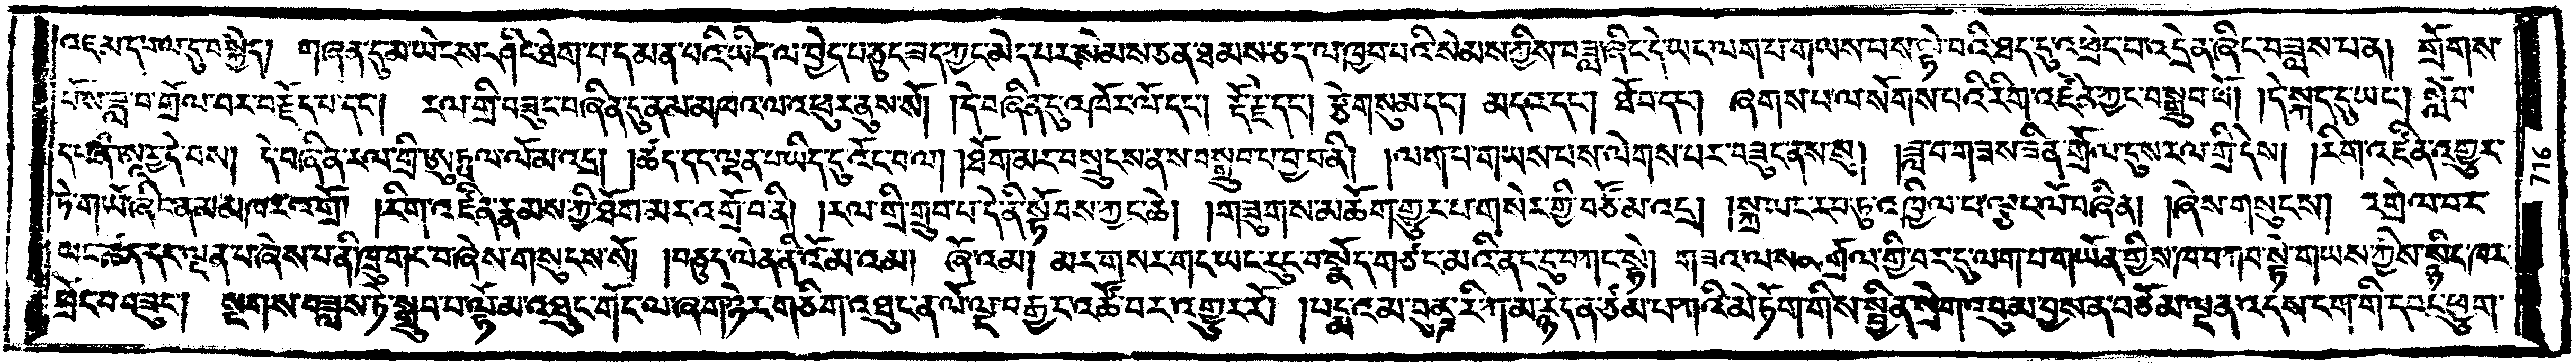འཇམ་དཔལ་དུ་བསྐྱེད། གཞན་དུ་མ་ཡེངས་ཤིང་ཐེག་པ་དམན་པའི་ཡིད་ལ་བྱེད་བཅུང་ཟད་ཀྱང་མེད་པར་སེམས་ཅན་ཐམས་ཅད་ལ་ཁྱབ་པའི་སེམས་ཀྱིས་བ་ཟླ་ཞིང་དེ་ཡང་ལག་པ་གཡས་པས་ལྟེ་བའི་ཐད་དུ་འཕྲེང་བ་འདྲེན་ཞིང་བླས་པ་ན། གྲོགས་
པོས་ཟླ་བ་གྲོལ་བར་བརྗོད་པ་དང་། རལ་གྲི་བཟུང་བཞིན་དུ་ནམ་མཁའ་ལ་འཕུར་ནུས་སོ། །དེ་བཞིན་དུ་འཁོར་ལོ་དང་། རྡོ་རྗེ་དང་། རྩེ་གསུམ་དང་། མདའ་དང་། ཐོ་བ་དང་། ཞགས་པ་ལ་སོགས་པའི་རིག་འཛིན་ཀྱང་བསྒྲུབ་པོ། །དེ་སྐད་དུ་ཡང་། སློབ་
དཔོན་ཨཱརྱ་དེ་བས། དེ་བཞིན་རལ་གྲི་ཨུཏྤལ་ལོ་མ་འདྲ། །ཚད་དང་ལྡན་པ་ཡིད་དུ་འོང་བ་ལ། །ཐོག་མར་བསྲུངས་ནས་བསྒྲུབ་པ་བྱ་བ་ནི། །ལག་པ་གཡས་པས་ལེགས་པར་བཟུང་ནས་སུ། །ཟླ་བ་གཟས་ཟིན་གྲོལ་དུས་རལ་གྲི་དེས། རིག་འཛིན་འགྱུར་
ཏེ་གཡོ་ཞིང་ནམ་མཁར་འགྲོ། །རིག་འཛིན་རྣམས་ཀྱི་ཐོག་མར་འགྲོ་བ་ནི། །རལ་གྲི་གྲུབ་པ་དེ་ནི་སྟོབས་ཀྱང་ཆེ། །གཟུགས་མཆོག་གྱུར་པ་གསེར་གྱི་བཙོ་མ་འདྲ། །སྐྲ་ཡང་རབ་ཏུ་འཁྱིལ་བ་ལྕང་ལོ་བཞིན། །ཞེས་གསུངས། འགྲེལ་བར་
ཡང་ཚད་དང་ལྡན་པ་ཞེས་པ་ནི་ཁྲུ་གང་བཞེ་?་ལུངས་སོ། །བཅུད་ལེན་ནི་འོ་མ་འམ། ཞོའམ། མར་གསར་གང་ཡང་རུང་བ་སྣོད་གཙང་མའི་ནང་དུ་བཀང་སྟེ། གཟའ་ལས་མགྲོལ་གྱི་བར་བུ་ལག་པ་གཡོན་གྱིས་ཁ་བཀབ་སྟེ་གཡས་ཀྱིས་ཉིང་ཁར་
ཕྲེང་བ་བཟུང་། སྔགས་བཟླས་ཏེ་སྒྲུབ་པ་ལྟོ་མ་འཐུང་གོང་ལ་ཞག་ཉེར་གཅིག་འཐུང་ན་ལོ་ལྔ་བརྒྱར་འཚོ་བར་འགྱུར་རོ། །པདམ་འམ་བུནྜ་རི་ཀ་མ་རྙེད་ན་ཙམ་པ་ཀའི་མེ་ཏོག་གིས་སྦྱིན་སྲེག་འབུམ་བྱས་ན་བཅོམ་ལྡན་འདས་ངག་གི་དབང་ཕྱུག་